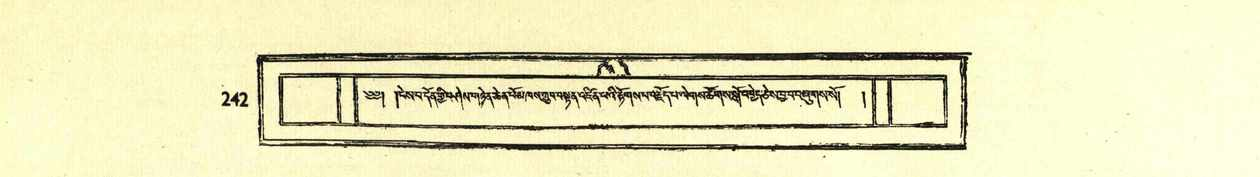༄༅། །ངེས་པ་དོན་གྱི་བཤེས་གཉེན་ཆེན་པོ་མཁས་གྲུབ་བསྟན་འཛིན་པའི་རྟོགས་པ་བརྗོད་པ་ལེགས་ཚོགས་སྒོ་འབྱེད་ཅེས་བྱ་བ་བཞུགས་སོ། །